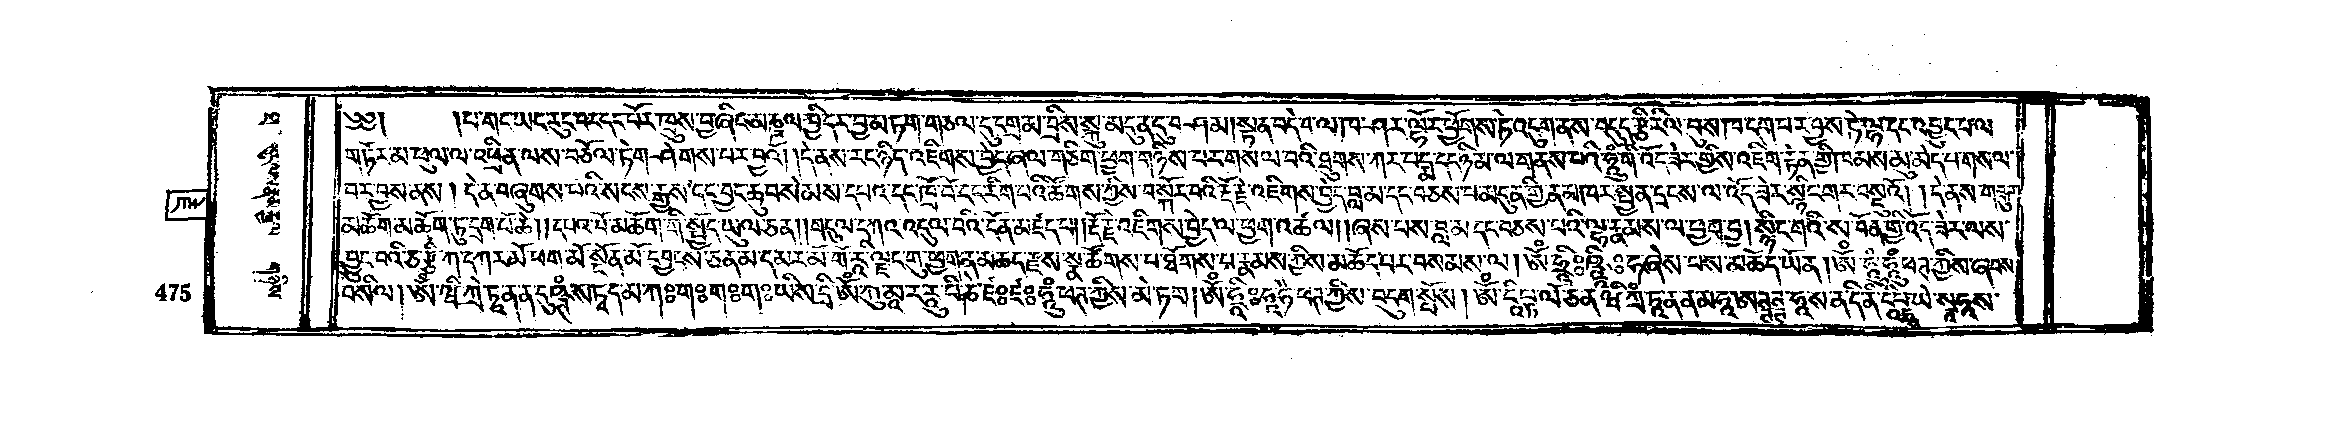༄༅། །པ་གང་ཡང་རུང་བར་དང་པོར་ཁྲུས་བྱ་ཞིང་མཎྜལ་བྱི་དར་བྱ་མ་ཏག་གཅལ་དུ་དགྲམ་བྲིས་སྐུ་མདུན་དུ་བཤམ། སྟན་བདེ་བ་ལ་ཁ་ཤར་ལྷོར་ཕྱོགས་ཏེ་འདུག་ནས་བདུད་རྩི་རིལ་བུས་ཁ་དག་པར་བྱས་ཏེ་ལྷ་དང་འབྱུང་བ་ལ་
གཏོར་མ་ཕུལ་ལ་འཕྲིན་ལས་བཅོལ་ཏེ་གཤེགས་པར་བྱའོ། །དེ་ནས་རང་ཉིད་འཇིགས་བྱེད་ཞལ་གཅིག་ཕྱག་གཉིས་པར་གསལ་བའི་ཐུགས་ཀར་པདམ་དང་ཉི་མ་ལ་གནས་པའི་ཧཱུཾ་གི་འོད་ཟེར་གྱིས་འཇིག་རྟེན་གྱི་ཁམས་མུ་མེད་པ་གསལ་
བར་བྱས་ནས། དེ་ན་བཞུགས་པའི་སངས་རྒྱས་དང་བྱང་ཆུབ་སེམས་དཔའ་དང་ཁྲོ་བོ་དང་རིག་པའི་ཚོགས་ཀྱིས་བསྐོར་བའི་རྡོ་རྗེ་འཇིགས་བྱེད་བླ་མ་དང་བཅས་པ་མདུན་གྱི་ནམ་མཁར་སྤྱན་དྲངས་ལ་འོད་ཟེར་སྙིང་གར་བསྡུའོ། །དེ་ནས་གཟུགས་
མཆོག་མཆོག་ཏུ་དྲག་པོ་ཆེ། །དཔའ་བོ་མཆོག་གི་སྤྱོད་ཡུལ་ཅན། །གདུལ་དཀའ་འདུལ་བའི་དོན་མཛད་པ། །རྡོ་རྗེ་འཇིགས་བྱེད་ལ་ཕྱག་འཚལ། །ཞེས་པས་བླ་མ་དང་བཅས་པའི་ལྷ་རྣམས་ལ་ཕྱག་བྱ། སྙིང་གའི་ས་བོན་གྱི་འོད་ཟེར་ལས་
བྱུང་བའི་ཅ་རྩི་ཀ་དཀར་མོ་ཕག་མོ་སྔོན་མོ་དབྱངས་ཅན་མ་དམར་མོ་གོ་རཱི་ལྗང་གུ་ཕྱག་ན་མཆོད་རྫས་སྣ་ཚོགས་པ་ཐོགས་པ་རྣམས་ཀྱིས་མཆོད་པར་བསམས་ལ། ཨོཾ་ཧྲཱིཿ ཥྚྲིཿ ཧ་ཞེས་པས་མཆོད་ཡོན། ཨོཾ་ཧཱུཾ་ཧཱུཾ་ཕཊ་ཀྱིས་ཞབས་
བསི་ལ། ཨོཾ་ཝི་ཀྲི་ཏཱ་ན་ན་དུཥྚི་སཏྭ་ད་མ་ཀཿ གཿ གཿ གཿ ཡིས་དྲི་ཨོཾ་ཀུ་མཱ་ར་རཱུ་བི་ཎེ་ཛཿ ཛཿ ཧཱུཾ་ཕཊ་ཀྱིས་མེ་ཏོག །ཨོཾ་ཧྲཱིཿ ཧཱ་ཧཻ་ཕཊ་ཀྱིས་བདུག་སྤོས། ཨོཾ་དཱི་པྟ་ལོ་ཙ་ན་ཝི་ཀྲི་ཏཱ་ན་ན་མཧཱ་ཨཊྚ་ཊྚ་ཧཱ་ས་ན་དི་ནི་དྰྤྟཱི་ཡེ་སྭཱཧཱས་